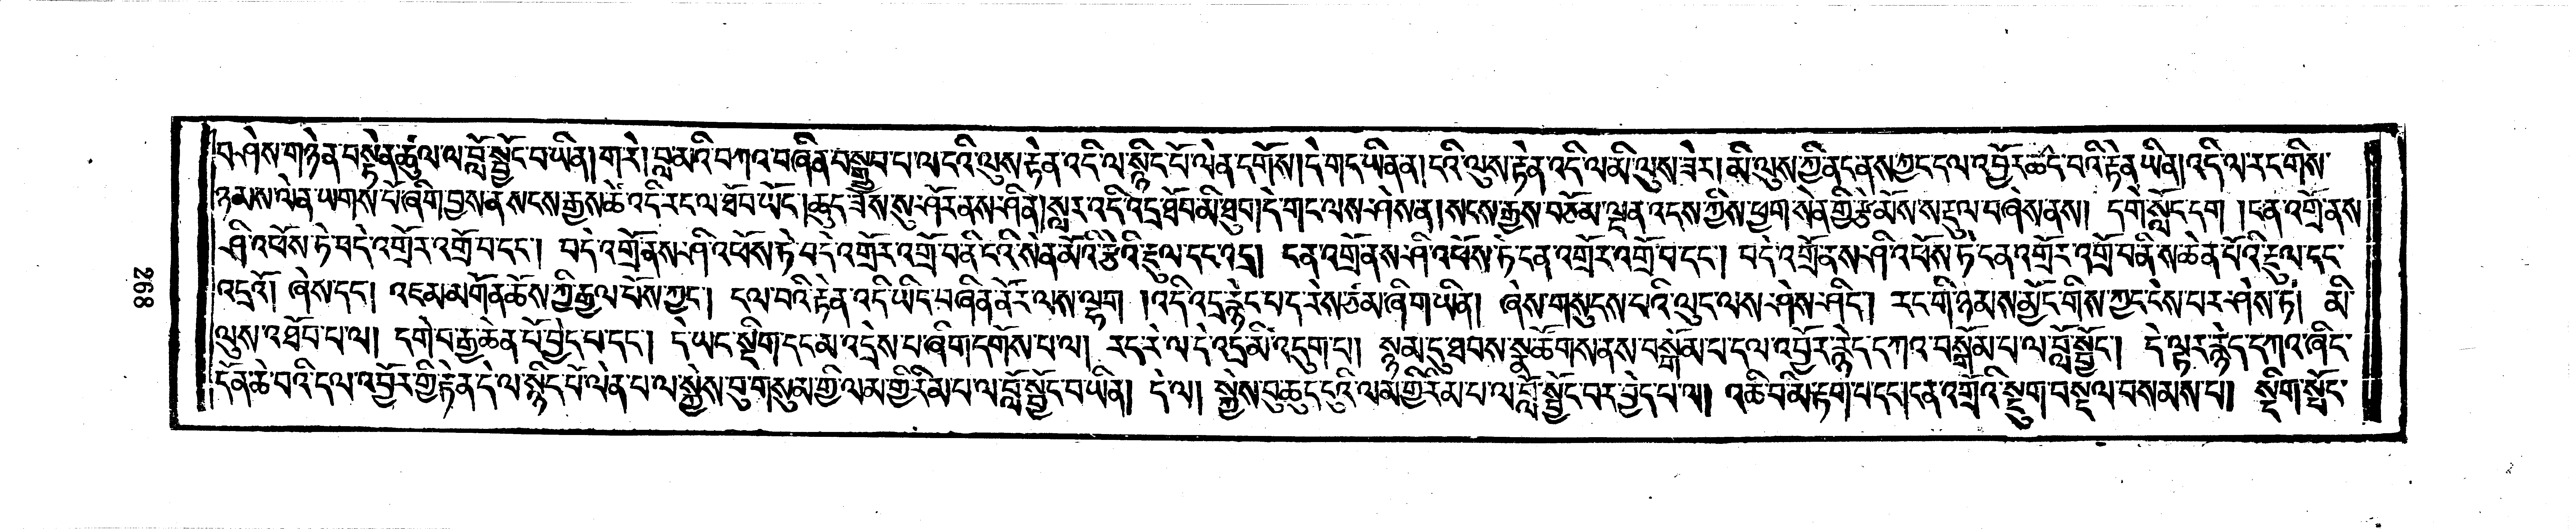བཤེས་གཉེན་བསྟེན་ཚུལ་ལ་བློ་སྦྱོང་བ་ཡིན། ག་རེ། བླ་མའི་བཀའ་བཞིན་བསྒྲུབ་པ་ལ་ངའི་ལུས་རྟེན་འདི་ལ་སྙིང་པོ་ལེན་དགོས། དེ་གང་ཡིན་ན། ངའི་ལུས་རྟེན་འདི་ལ་མི་ལུས་ཟེར། མི་ལུས་ཀྱི་ནང་ནས་ཀྱང་དལ་འབྱོར་ཚད་བའི་རྟེན་ཡིན། འདི་ལ་རང་གིས་
ཉམས་ལེན་ཡགས་པོ་ཞིག་བྱས་ན་སངས་རྒྱས་ཚེ་འདི་རང་ལ་ཐོབ་ཡོང་། ཆུད་ཟོས་སུ་ཤོར་ནས་ཤིན། སླར་འདི་འདྲ་ཐོབ་མི་ཐུབ། དེ་གང་ལས་ཤེས་ན། སངས་རྒྱས་བཅོམ་ལྡན་འདས་ཀྱིས་ཕྱག་སེན་གྱི་རྩེ་མོས་ས་རྡུལ་བཞེས་ནས། དགེ་སློང་དག །ངན་འགྲོ་ནས་
ཤི་འཕོས་ཏེ་བདེ་འགྲོར་འགྲོ་བ་དང་། བདེ་འགྲོ་ནས་ཤི་འཕོས་ཏེ་བདེ་འགྲོར་འགྲོ་བ་ནི་ངའི་སེན་མོའི་རྩེའི་རྡུལ་དང་འདྲ། ངན་འགྲོ་ནས་ཤི་འཕོས་ཏེ་ངན་འགྲོར་འགྲོ་བ་དང་། བདེ་འགྲོ་ནས་ཤི་འཕོས་ཏེ་ངན་འགྲོར་འགྲོ་བ་ནི་ས་ཆེན་པོའི་རྡུལ་དང་
འདྲའོ། ཞེས་དང་། འཇམ་མགོན་ཆོས་ཀྱི་རྒྱལ་པོས་ཀྱང་། དལ་བའི་རྟེན་འདི་ཡིད་བཞིན་ནོར་ལས་ལྷག །འདི་འདྲ་རྙེད་པ་ད་རེས་ཙམ་ཞིག་ཡིན། ཞེས་གསུངས་པའི་ལུང་ལས་ཤེས་ཤིང་། རང་གི་ཉམས་མྱོང་གིས་ཀྱང་ངེས་པར་ཤེས་ཏེ། མི་
ལུས་འཐོབ་པ་ལ། དགེ་བརྒྱ་ཆེན་པོ་བྱེད་པ་དང་། དེ་ཡང་སྡིག་དང་མ་འདྲེས་པ་ཞིག་དགོས་པ་ལ། རང་རེ་ལ་དེ་འདྲ་མི་འདུག་པ། སྙམ་དུ་ཐབས་སྣ་ཚོགས་ནས་བསྒོམ་པ་དལ་འབྱོར་རྙེད་དཀའ་བསྒོམ་པ་ལ་བློ་སྦྱོང་། དེ་ལྟར་རྙེད་དཀའ་ཞིང་
དོན་ཆེ་བའི་དལ་འབྱོར་གྱི་རྟེན་དེ་ལ་སྙིང་པོ་ལེན་པ་ལ་སྐྱེས་བུ་གསུམ་གྱི་ལམ་གྱི་རིམ་པ་ལ་བློ་སྦྱོང་བ་ཡིན། དེ་ལ། སྐྱེས་བུ་ཆུད་དུའི་ལམ་གྱི་རིམ་པ་ལ་བློ་སྦྱོང་བར་བྱེད་པ་ལ། འཆི་བ་མི་རྟག་པ་དང་། ངན་འགྲོའི་སྡུག་བསྔལ་བསམས་པ། སྡིག་སྤོད་